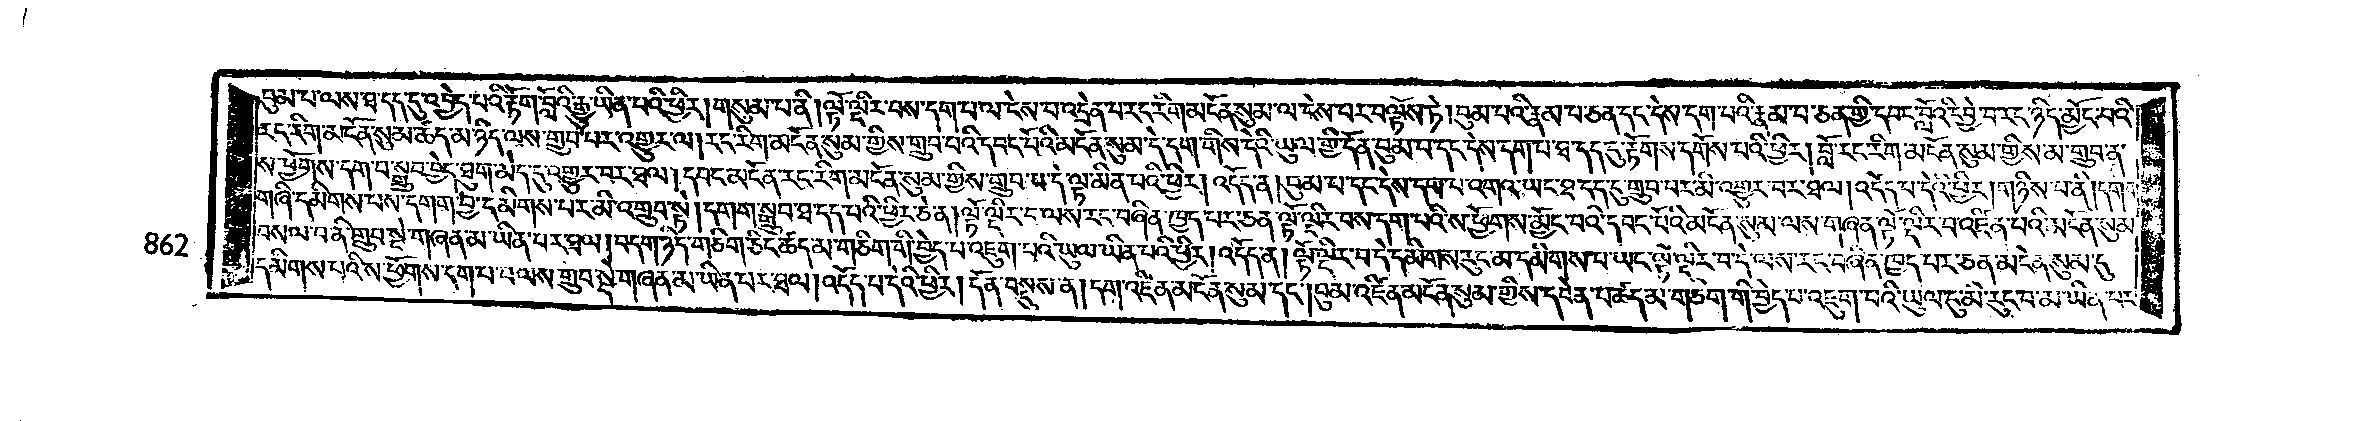བུམ་པ་ལས་ཐ་དད་དུ་འབྱེད་པའི་རྟོག་བློའི་རྒྱུ་ཡིན་པའི་ཕྱིར། གསུམ་པ་ནི། ལྟོ་ལྡིར་བས་དག་པ་ལ་ངེས་པ་འདྲེན་པ་རང་རིག་མངོན་སུམ་ལ་ངེས་པར་བལྟོས་ཏེ། བུམ་པའི་རྣམ་པ་ཅན་གྱི་དབང་བློའི་དབྱེ་བ་རང་ཉིད་མྱོང་བའི་
རང་རིག་མངོན་སུམ་ཚད་མ་ཉིད་ལས་གྲུབ་པར་འགྱུར་ལ། རང་རིག་མངོན་སུམ་གྱིས་གྲུབ་པའི་དབང་པོའི་མངོན་སུམ་དེ་དག་གིས་དེའི་ཡུལ་གྱི་དོན་བུམ་པ་དང་དེས་དག་པ་ཐ་དད་དུ་རྟོགས་དགོས་པའི་ཕྱིར། བློ་རང་རིག་མངོན་སུམ་གྱིས་མ་གྲུབ་ན་
ས་ཕྱོགས་དག་པ་སྒྲུབ་བྱེད་ཐུག་མེད་དུ་འགྱུར་བར་ཐལ། དབང་མངོན་རང་རིག་མངོན་སུམ་གྱིས་གྲུབ་པ་དེ་ལྟ་མིན་པའི་ཕྱིར། འདོད་ན། བུམ་པ་དང་དེས་དག་པ་འགའ་ཡང་ཐ་དད་དུ་གྲུབ་པར་མི་འགྱུར་བར་ཐལ། འདོད་པ་དེའི་ཕྱིར། གཉིས་པ་ནི། དགག་
གཞི་དམིགས་པས་དགག་བྱ་དམིགས་པར་མི་འགྲུབ་སྟེ། དགག་སྒྲུབ་ཐ་དད་པའི་ཕྱིར་ཅེ་ན། ལྟོ་ལྡིར་ང་ལས་རང་བཞིན་ཁྱད་པར་ཅན་ལྟོ་ལྡིར་བས་དག་པའི་ས་ཕྱོགས་མྱོང་བའི་དབང་པོའི་མངོན་སུམ་ལས་གཞན་ལྟོ་ལྡིར་བ་འཛིན་པའི་མངོན་སུམ་
བསལ་བ་ནི་གྲུབ་སྡེ་གཞན་མ་ཡིན་པར་ཐལ། བདག་ཉིད་གཅིག་ཅིང་ཚད་མ་གཅིག་གི་བྱེད་པ་འཇུག་པའི་ཡུལ་ཡིན་པའི་ཕྱིར། འདོད་ན། ལྟོ་ལྡིར་བ་དེ་དམིགས་རུང་མ་དམིགས་པ་ཡང་ལྟོ་ལྡིར་བ་དེ་ལས་རང་བཞིན་ཁྱད་པར་ཅན་མངོན་སུམ་དུ་
དམིགས་པའི་ས་ཕྱོགས་དག་པ་བ་ལས་གྲུབ་སྲེ་གཞན་མ་ཡིན་པར་ཐལ། འདོད་པ་དེའི་ཕྱིར། དོན་བསྡུས་ན། དག་འཛིན་མངོན་སུམ་དང་། བུམ་འཛིན་མངོན་སུམ་གྱིས་དབེན་པ་ཚད་མ་གཅིག་གི་བྱེད་པ་འཇུག་པའི་ཡུལ་དུ་མི་རུང་བ་མ་ཡིན་པར་